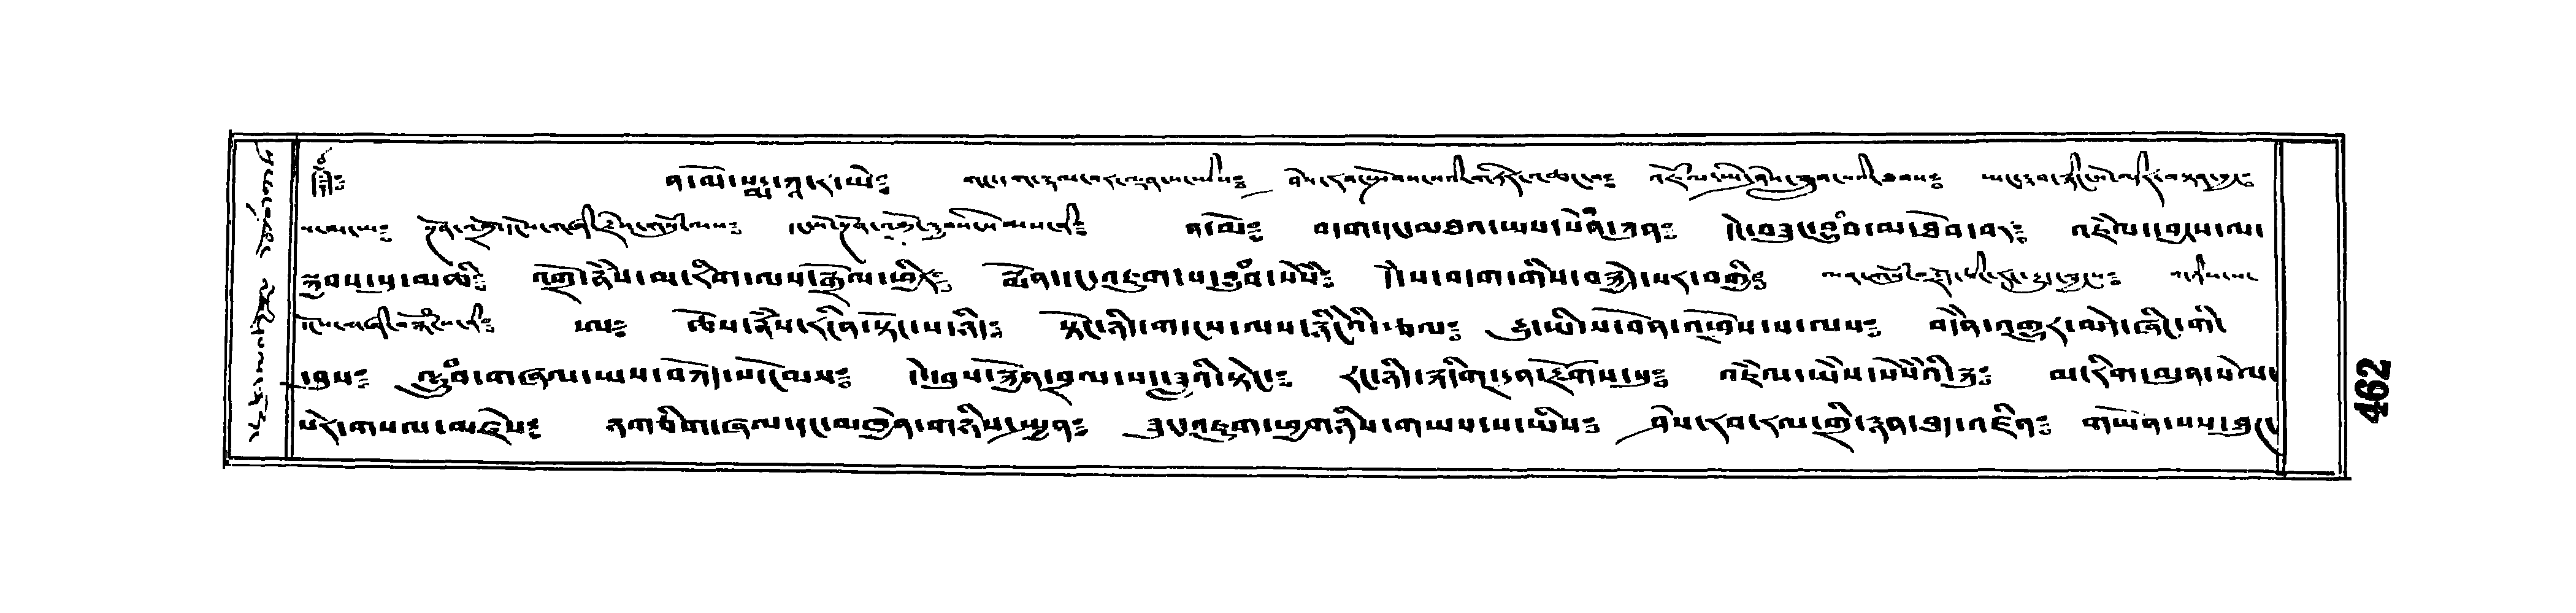ན་མོ་པདྨ་ཀཱ་ར་ཡེ༔ གང་དག་སྐལ་བར་ལྡན་པ་ཡིས༔ ཤེས་རབ་སྤོབས་པའི་གཏེར་འཆང་བ༔ འཇམ་དཔལ་ཡེ་ཤེས་སྒྲུབ་པའི་ཐབས༔ ཡང་ཟབ་སྙིང་པོ་འདིར་བསྟན་བྱ༔ 
ས་མ་ཡ༔ སྔོན་འགྲོ་དངོས་གཞི་རྗེས་གསུམ་ལས༔ དང་པོ་སྔོན་འགྲོ་སྐྱབས་སེམས་ནི༔ ན་མོ༔ བདག་དང་མཐའ་ཡས་སེམས་ཅན་ཀུན༔ དེང་བཟུང་བྱང་ཆུབ་མ་ཐོབ་བར༔ འཇམ་དཔལ་དབྱངས་ལ་
སྐྱབས་སུ་མཆི༔ འགྲོ་རྣམས་མ་རིག་ལས་སྒྲོལ་ཕྱིར༔ སྨོན་དང་འཇུག་པ་བྱང་ཆུབ་སེམས༔ དམ་པ་བདག་གིས་བསྐྱེད་པར་བགྱི༔ ལན་གསུམ་བརྗོད་ཅིང་རང་རྒྱུད་སྦྱངས༔ གཉིས་པ་
དངོས་གཞི་བསྒོམ་པ་ནི༔ ཨཱཿ ཆོས་རྣམས་རང་བཞིན་སྟོང་པ་ཉིད༔ སྟོང་ཉིད་གདངས་ལས་སྙིང་རྗེའི་རྩལ༔ རྒྱུ་ཡི་སོ་བོན་འཕྲོས་པ་ལས༔ བདེ་ཆེན་འགྱུར་མེད་ཞིང་གི་
དབུས༔ ལྷུན་གྲུབ་གཞལ་ཡས་བཀོད་པ་ངོམས༔ དེ་དབུས་སྐྱོན་བྲལ་པད་ཟླའི་སྟེང༔ རང་ཉིད་སྐད་ཅིག་དྲན་རྫོགས་སུ༔ འཇམ་དཔལ་ཡེ་ཤེས་སེམས་དཔའི་སྐུ༔ མ་རིག་མུན་སེལ་
སེར་གསལ་མཛེས༔ ཉག་གཅིག་ཞལ་དང་མཁྱེན་གཉིས་སྤྱན༔ ཟུང་འཇུག་ཕྱག་གཉིས་གཡས་པ་ཡིས༔ ཤེས་རབ་རལ་གྲི་སྙན་ཐད་འཛིན༔ གཡོན་པས་ཐུགས་